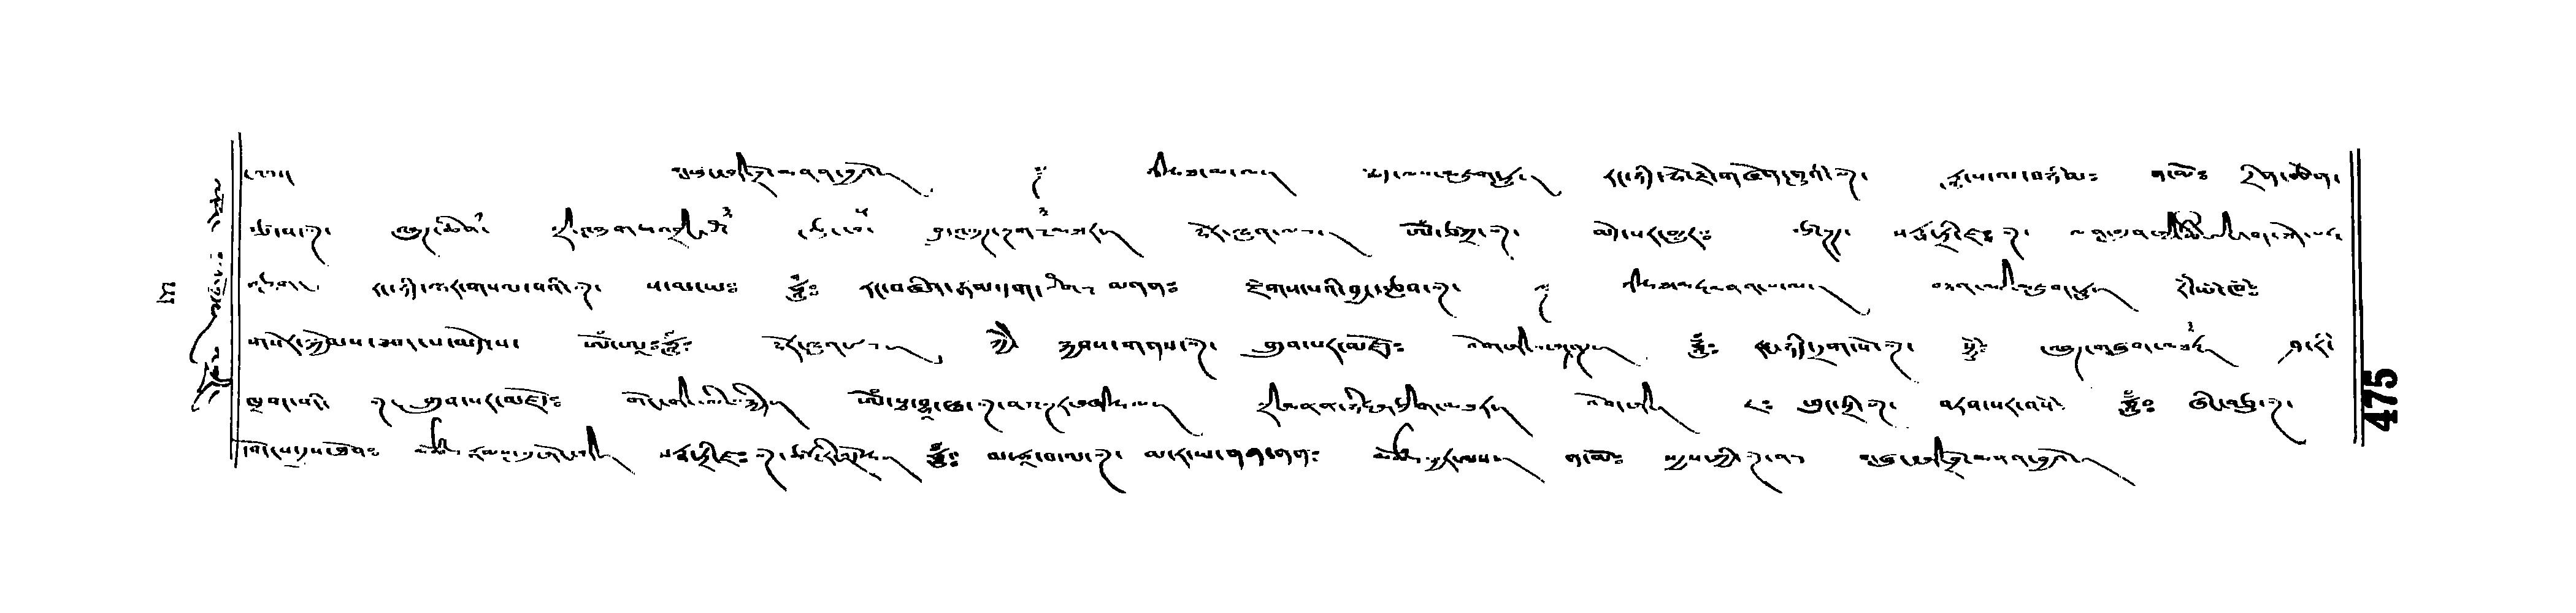གཞུང་གི་བྲོ་མནན་བྱའོ། ༈ ཉིན་ཐ་མ་ལ། སྨད་ལས་མཇུག་ཏུ། རང་ཉིད་རྡོ་རྗེ་གཞོན་ནུའི་སོགས། རུ་པ་ལ་བསྟིམ༔ ན་མོ༔ དྲིན་ཆེན་
རྩ་བ་སོགས། འགུུགས་ཆེན་གཅིག གྲི་འགུགས་འབྲིང་པོ་གསུམ། ཆུང་བ་ལྔ། བླ་འགུགས་སྔགས་གསུམ་མཐར། རྡོར་ལྷུན་ལས། ཨོཾ་ཙཀྲ་སོགས། མེད་པར་གྱུར༔ རྩ་སྔགས། སརྦ་ཏྲི་ཛཿསོགས། ལན་བདུན་གྱི་ཚེ་ལིང་ག་ཐོད་པར་
བཅུག རང་ཉིད་ལྷར་གསལ་པའི་སོགས། ས་མ་ཡ༔ ཧཱུྃཿ རང་བཞིན་རྣམ་དག་སོགས། མནན༔ རྫོགས་པའི་བྱང་ཆུབ་སོགས། ༈ ཉིན་ཐ་མར་མནན་པ་ལ། བསྟན་མའི་མཇུག་ཏུ། རྃ་ཡྃ་ཁྃཿ 
གསེར་སྐྱེམས་ཟག་པ་མེད་པ། ཨོཾ་ཨཱཿཧཱུྃཿ རྡོར་ལྷུན་ལས། ཀྱཻ༔ སྐྱབས་གནས་སོགས། གྲུབ་པར་མཛོད༔ ( འོག་གི་ས་གཤགས། ? ) ཧཱུྃ༔ རང་ཉིད་དྲག་པོ་སོགས། སྟྭཾ༔ འགུགས་གཞུག་མཐར་གསུམ། ཤ་རི་
ཁྲག་གི སོགས། གྲུབ་པར་མཛོད༔ གོང་གི་ཨེ་བསྐྱེད། ཨོཾ་སྭ་བྷཱ་ཝ་སོགས་ནས་སྔར་བཞིན་ལ། སྲི་མནན་ཉེར་གཅིག་མཐར། འོག་གི ཛཿ ཕུང་སྲི་སོགས། བཏབ་པར་བསམཿ ཧཱུྃ༔ ཞིང་བཅུ་སོགས། 
དགོངས་རྒྱས་ཐོབཿ མཚམས་རྣམས་སུ་གོང་གི སརྦ་ཏྲི་ཛཿསོགས་ཚར་ཏེ་གདོན། ཧཱུྃ༔ མ་ཧཱ་བ་ལ་སོགས། མ་ར་ཡ་ནན་ནན༔ མཚམས་སྦྱར་ལས། ན་མོ༔ སངས་རྒྱས་ཀྱི་སོགས་ནས། གཞུང་གི་བྲོ་མནན་བྱའོ།།